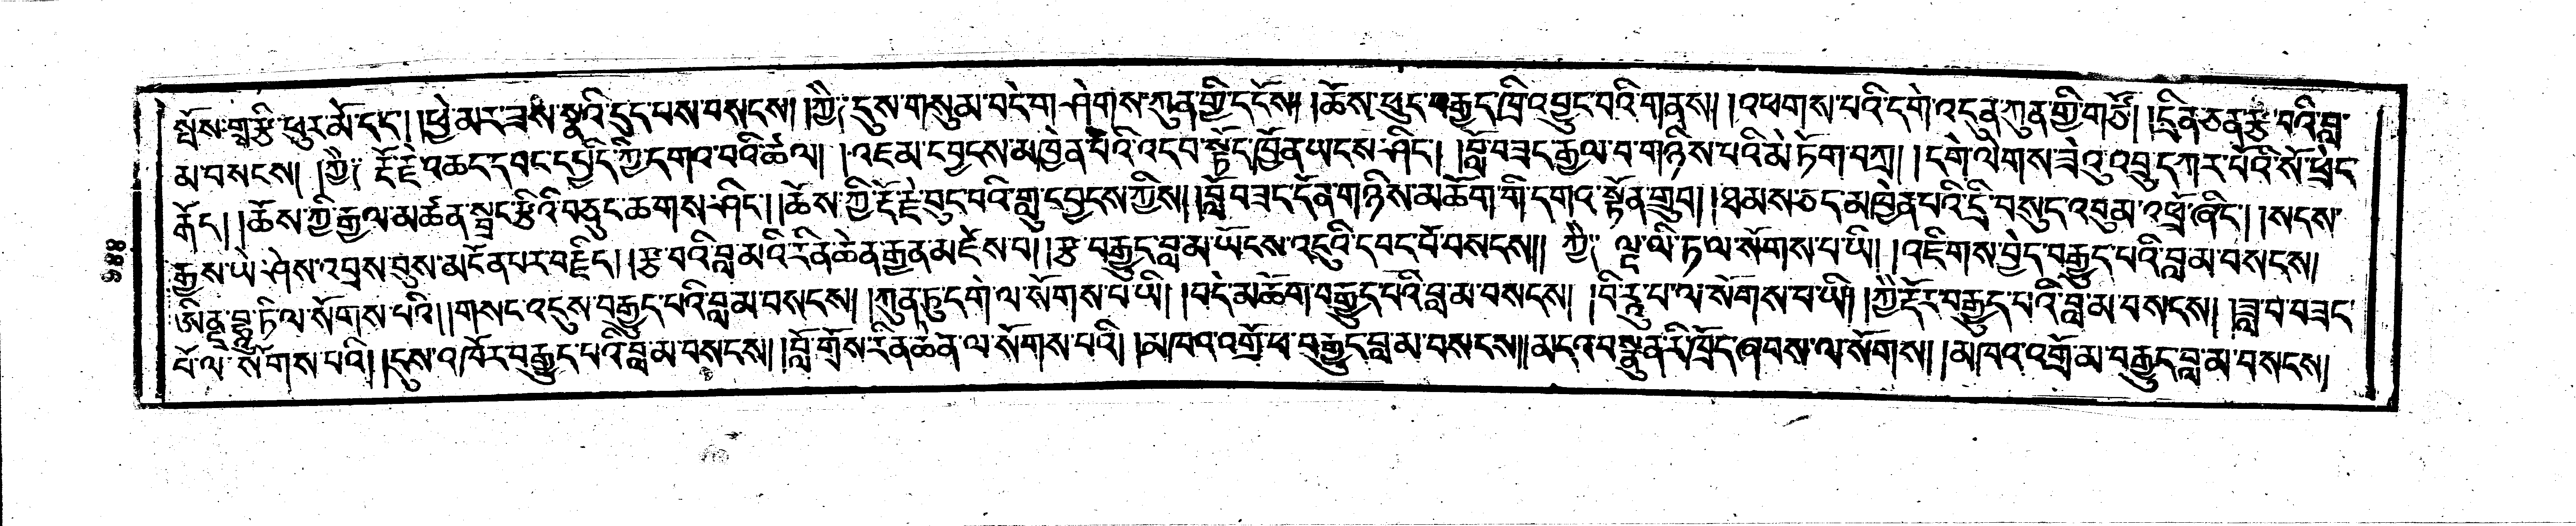སྤོས་གླ་རྩི་ཕུར་མོ་དང་། །ཕྱེ་མར་ཟས་སྣའི་དུད་པས་བསངས། །ཀྱཻ། དུས་གསུམ་བདེ་གཤེགས་ཀུན་གྱི་དངོས། །ཆོས་ཕུང་བརྒྱད་ཁྲི་འབྱུང་བའི་གནས། །འཕགས་པའི་དགེ་འདུན་ཀུན་གྱི་གཙོ། །དྲིན་ཅན་རྩ་བའི་བླ་
མ་བསངས། །ཀྱཻ། རྡོ་རྗེ་འཆང་དབང་དཔྱིད་ཀྱི་དགའ་བའི་ཚལ། །འཇམ་དབྱངས་མཁྱེན་པའི་འདབ་སྟོང་ཁྱོན་ཡངས་ཤིང་། །བློ་བཟང་རྒྱལ་བ་གཉིས་པའི་མེ་ཏོག་བཀྲ། །དགེ་ལེགས་ཟེའུ་འབྲུ་དཀར་པོའི་སོ་ཕྲེང་
རྒོད། །ཆོས་ཀྱི་རྒྱལ་མཚན་སྦྲང་རྩིའི་བཅུད་ཆགས་ཤིང་། །ཆོས་ཀྱི་རྡོ་རྗེ་བུང་བའི་གླུ་དབྱངས་ཀྱིས། །བློ་བཟང་དོན་གཉིས་མཆོག་གི་དགའ་སྟོན་གྲུབ། །ཐམས་ཅད་མཁྱེན་པའི་དྲི་བསུང་འབུམ་འཕྲོ་ཞིང་། །སངས་
རྒྱས་ཡེ་ཤེས་འབྲས་བུས་མངོན་པར་བརྗིད། །རྩ་བའི་བླ་མའི་རིན་ཆེན་རྒྱན་མཛེས་པ། །རྩ་བརྒྱུད་བླ་མ་ཡོངས་འདུའི་དབང་པོ་བསངས།། ཀྱཻ། ལཱ་ལི་ཏ་ལ་སོགས་པ་ཡི། །འཇིགས་བྱེད་བརྒྱུད་པའི་བླ་མ་བསངས། །
ཨིནྡྲ་བྷཱུ་ཏི་ལ་སོགས་པའི། །གསང་འདུས་བརྒྱུད་པའི་བླ་མ་བསངས། །ཀུན་ཏུ་དགེ་ལ་སོགས་པ་ཡི། །བདེ་མཆོག་བརྒྱུད་པའི་བླ་མ་བསངས། །བི་རཱུ་པ་ལ་སོགས་པ་ཡི། །ཀྱཻ་རྡོར་བརྒྱུད་པའི་བླ་མ་བསངས། །ཟླ་བ་བཟང་
པོ་ལ་སོགས་པའི། །དུས་འཁོར་བརྒྱུད་པའི་བླ་མ་བསངས། །བློ་གྲོས་རིན་ཆེན་ལ་སོགས་པའི། །མཁའ་འགྲོ་ཕ་བརྒྱུད་བླ་མ་བསངས། །མདའ་བསྣུན་རི་ཁྲོད་ཞབས་ལ་སོགས། །མཁའ་འགྲོ་མ་བརྒྱུད་བླ་མ་བསངས། །